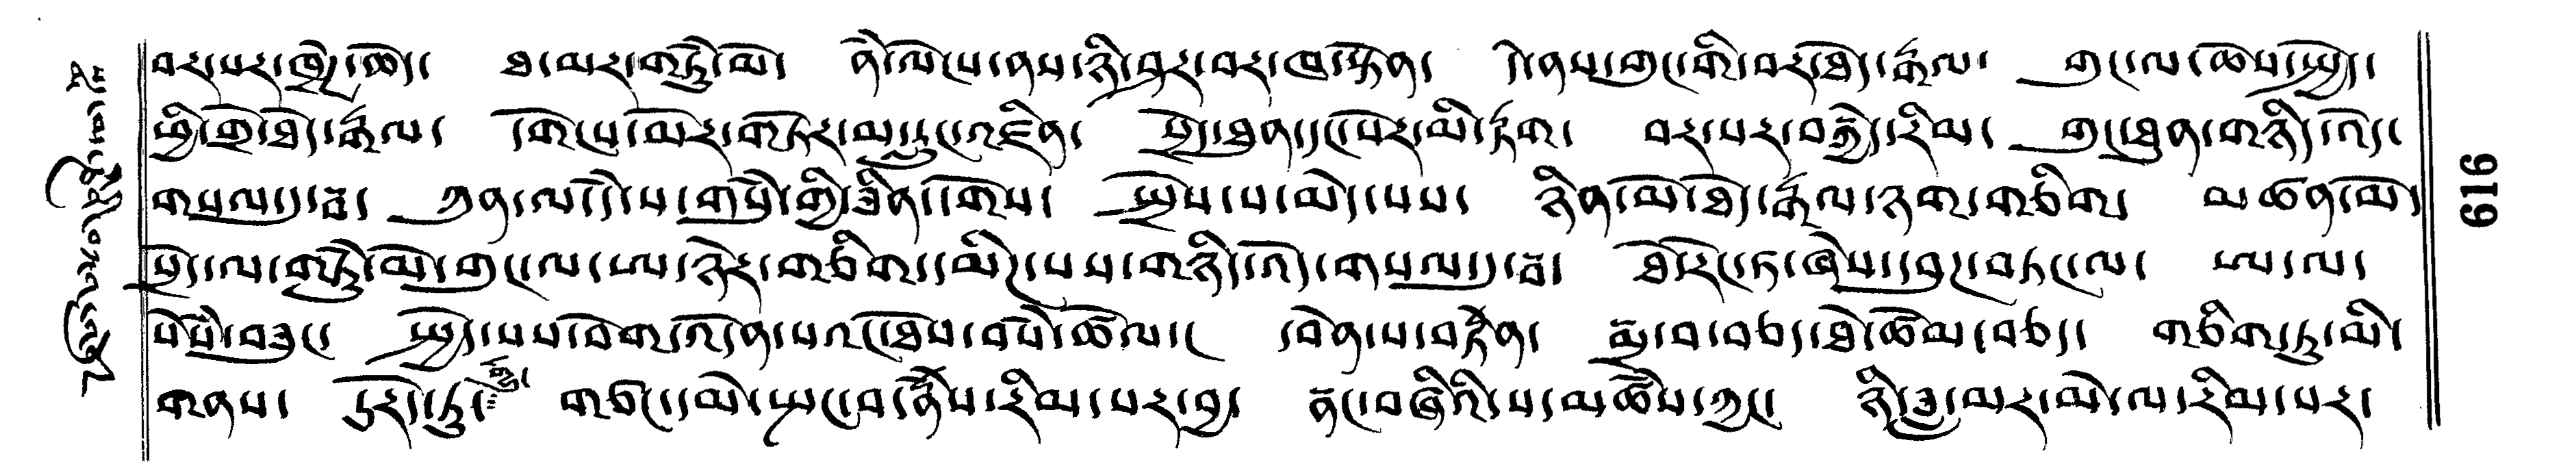བར་པར་ཁྲེགས་ཆོད། ཐ་མར་གཏུམ་མོ། ནམ་ལངས་ནས་ཉི་ཤར་བར་ཁ་བཏཽན། དེ་ནས་གུང་གི་བར་ཐོད་རྒལ། གུང་ལ་ཆོས་སྤྱོད། 
ཕྱི་དྲོ་ཐོད་རྒལ། དགོང་མོར་གཏོར་མ་རླུང་འཛིན། སྲོད་ཐུན་དང་པོར་མི་རྟག བར་པར་བསྐྱེད་རིམ། གུང་ཐུན་གཉིད་འོད་
གསལ་དུ་སྦ། ཀུན་ལ་དམ་པ་གསུམ་གྱི་ཟིན་དགོས། སྤྲོས་པ་མེད་པས། ཉིན་མོ་ཐོད་རྒལ་ཉག་གཅིག མཚན་མོ། 
སྲོད་ལ་གཏུམ་མོ། གུང་ལ་ཨ་ཉེར་གཅིག དམིགས་པས་གཉིད་འོད་གསལ་དུ་སྦ། ཐོ་རངས་ཧ་ཞེས་དབུགས་བཏང་ལ། ཨ་ལ་
སེམས་བཟུང་། སྤྱོད་པས་བོགས་འདོན་པའང་ཐོས་བསམ་ཚོལ། དབེན་པ་བརྟེན། སྨྲ་བ་བཅད། ཐེ་ཚོམ་བཅད། གཅིག་ཏུ་མི་
གནས། དུར་ཁྲོད་ཏུ་རྒྱུ། གཙང་དམེ་སྤང་བ་རྣམས་རིམ་པར་བྱ། སྣང་བཞིའི་ས་མཚམས་ཀྱང་། ཉི་ཟླ་མར་མེ་ལ་རིམ་པར་